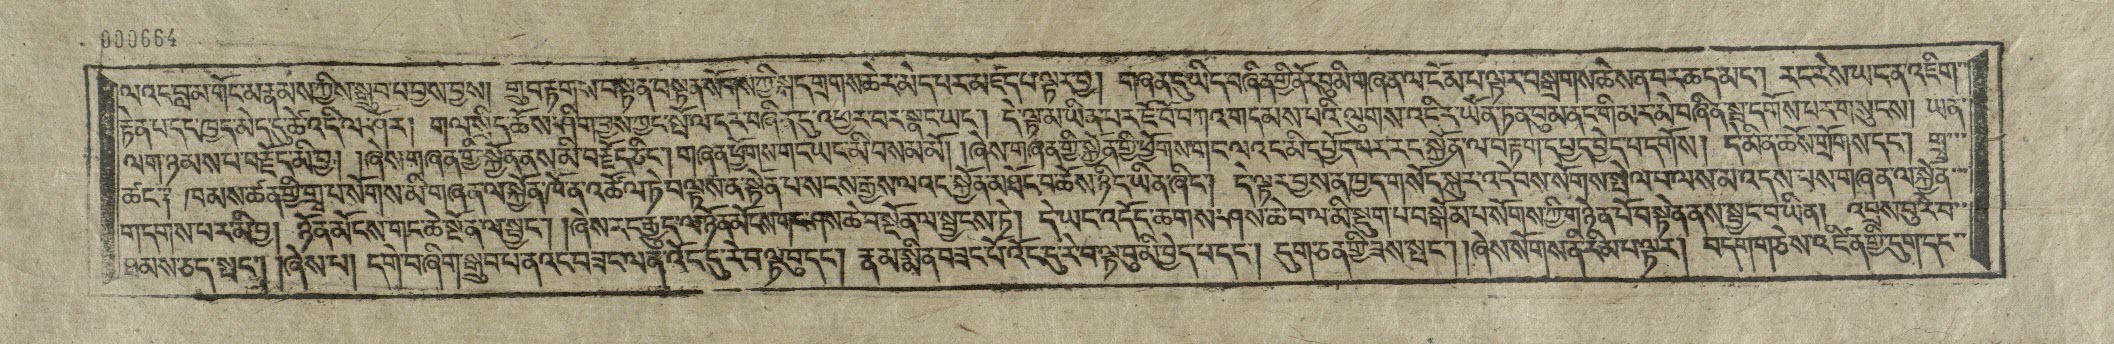ལའང་བླ་མ་གོང་མ་རྣམས་ཀྱིས་སྒྲུབ་པ་བྱས་བྱས། གྲུབ་རྟགས་བསྟན་བསྟན་སོགས་ཀྱི་སྐད་གྲགས་ཆེར་མེད་པར་མཛད་པ་ལྟར་བྱ། གཞན་དུ་ཡིད་བཞིན་གྱི་ནོར་བུ་མི་གཞན་ལ་ངོམ་པ་ལྟར་བསྒྲགས་ཆེས་ན་བར་ཆད་མང་། རང་རེས་ཡང་ན་འཇིག་
རྟེན་པ་དང་ཁྱད་མེད་དུ་ཚེ་འདི་ལ་ཤོར། གལ་སྲིད་ཆོས་ཤིག་བྱས་ཀྱང་སྤོ་ལ་དར་བཞིན་དུ་འཕྱར་བར་སྣང་ཡང་། དེ་ལྟ་མ་ཡིན་པར་ཇོ་བོ་བཀའ་གདམས་པའི་ལུགས་འདིར་ཡོན་ཏན་བུམ་ནང་གི་མར་མེ་བཞིན་སྦ་དགོས་པར་གསུངས། ཡན་
ལག་ཉམས་པ་བརྗོད་མི་བྱ། །ཞེས་གཞན་གྱི་སྐྱོན་ནས་མི་བརྗོད་ཅིང་། གཞན་ཕྱོགས་གང་ཡང་མི་བསམ་མོ། །ཞེས་གཞན་གྱི་སྐྱོན་གྱི་ཕྱོགས་གང་ལའང་མི་དཔྱོད་པར་རང་སྐྱོན་ལ་བརྟག་དཔྱད་བྱེད་པ་དགོས། དེ་མིན་ཆོས་གྲོགས་དང་། གྲྭ་
ཚང༑ ཁམས་ཚན་གྱི་གྲྭ་པ་སོགས་མི་གཞན་ལ་སྐྱོན་ཁོ་ན་འཚོལ་ཏེ་བལྟས་ན་སྟོན་པ་སངས་རྒྱས་ལའང་སྐྱོན་མཐོང་བ་ཆོས་ཉིད་ཡིན་ཞིང་། དེ་ལྟར་བྱས་ན་ཁྱད་གསོད་སྐུར་འདེབས་སོགས་སྤེལ་བ་ལས་མ་འདས་པས་གཞན་ལ་སྐྱོན་
གདགས་པར་མི་བྱ། ཉོན་མོངས་གང་ཆེ་སྔོན་ལ་སྦྱང་། །ཞེས་རང་རྒྱུད་ལ་ཉོན་མོངས་གང་ཤས་ཆེ་བ་སྔོན་ལ་སྦྱངས་ཏེ། དེ་ཡང་འདོད་ཆགས་ཤས་ཆེ་བ་ལ་མི་སྡུག་པ་བསྒོམ་པ་སོགས་ཀྱི་གཉེན་པོ་བསྟེན་ནས་སྦྱང་བ་ཡིན། འབྲས་བུ་རེ་བ་
ཐམས་ཅད་སྤང་། །ཞེས་པ། དགེ་བ་ཞིག་སྒྲུབ་པ་ནའང་བཟང་ལན་འོང་དུ་རེ་བ་ལྟ་བུ་དང་། རྣམ་སྨིན་བཟང་པོ་འོང་དུ་རེ་བ་ལྟ་བུ་མི་བྱེད་པ་དང་། དུ་གཅན་གྱི་ཟས་སྤང་། །ཞེས་སོགས་ནི་རིམ་པ་ལྟར། བདག་གཅེས་འཛིན་གྱི་དུག་དང་